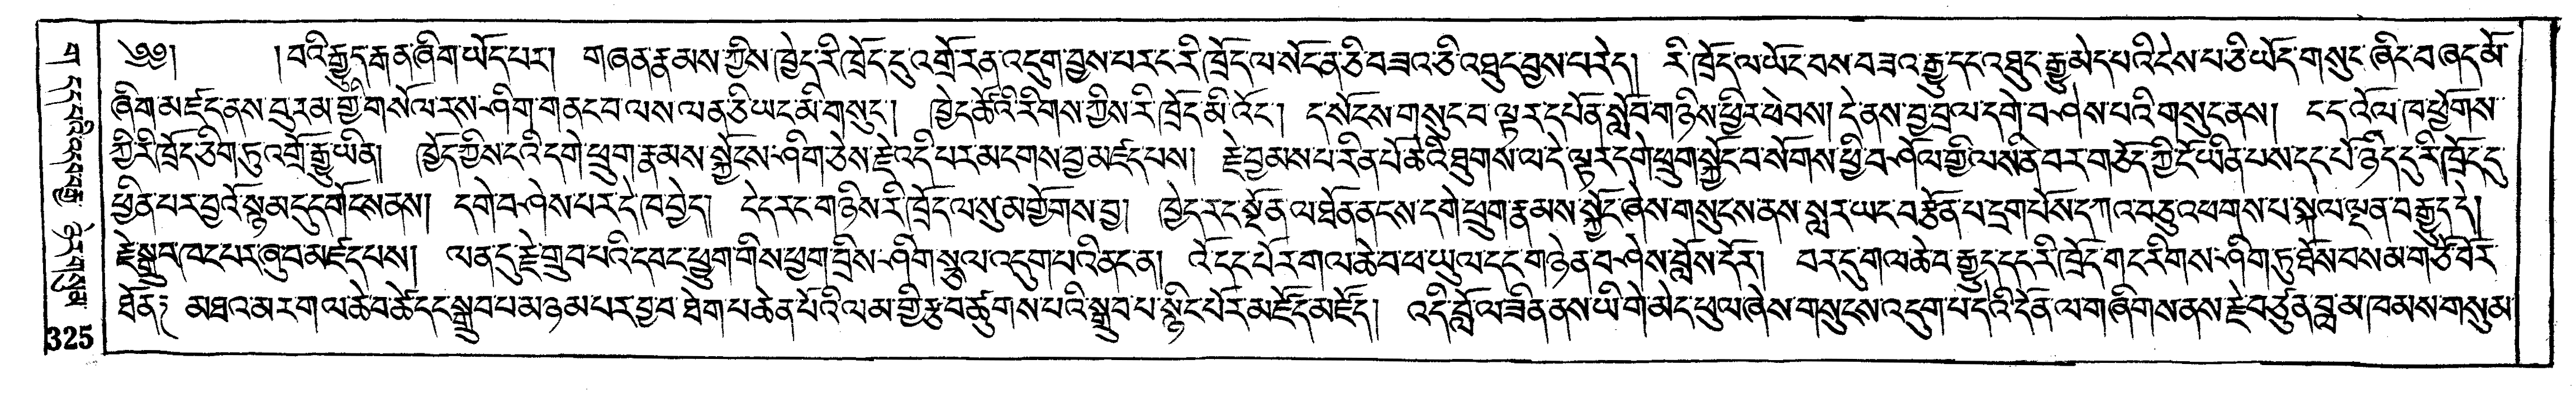༄༅། །བའི་རྒྱུད་རྒན་ཞིག་ཡོད་པར། གཞན་རྣམས་ཀྱིས་ཁྱེད་རི་ཁྲོད་དུ་འགྲོ་རན་འདུག་བྱས་པར་ང་རི་ཁྲོད་ལ་སོང་ན་ཅི་བཟའ་ཅི་འཐུང་བྱས་པ་རེད། རི་ཁྲོད་ལ་སོང་བས་བཟའ་རྒྱུ་དང་འཐུང་རྒྱུ་མེད་པའི་ངེས་པ་ཅི་ཡོད་གསུང་ཞིང་བཞད་མོ་
ཞིག་མཛད་ནས་བུ་རམ་གྱི་གསོལ་རས་ཤིག་གནང་བ་ལས་ལན་ཅི་ཡང་མི་གསུང་། ཁྱེད་ཚོའི་རིགས་ཀྱིས་རི་ཁྲོད་མི་འོང་། ང་སོངས་གསུང་བ་ལྟར་དཔོན་སློབ་གཉིས་ཕྱིར་ཕེབས། དེ་ནས་བྱ་བྲལ་དགེ་བཤེས་པའི་གསུང་ནས། ང་ད་འོལ་ཁ་ཕྱོགས་
ཀྱི་རི་ཁྲོད་ཅིག་ཏུ་འགྲོ་རྒྱུ་ཡིན། ཁྱོད་ཀྱིས་ངའི་དགེ་ཕྲུག་རྣམས་སྐྱོངས་ཤིག་ཅེས་རྗེ་འདི་པར་མངགས་བྱ་མཛད་པས། རྗེ་བྱམས་པ་རིན་པོ་ཆེའི་ཐུགས་ལ་དེ་ལྟར་དགེ་ཕྲུག་སྐྱོང་བ་སོགས་ཕྱི་བཤོལ་གྱི་ལས་ན་བར་གཅོད་ཀྱི་ངོ་ཡིན་པས་དང་པོ་ཉིད་དུ་རི་ཁྲོད་དུ་
ཕྱིན་པར་བྱའོ་སྙམ་དུ་དགོངས་ནས། དགེ་བཤེས་པར་དེ་ཁ་བྱེད། ངེད་རང་གཉིས་རི་ཁྲོད་ལ་སུ་མགྱོགས་བྱ། ཁྱེད་རང་སྔོན་ལ་ཐོན་ན་ངས་དགེ་ཕྲུག་རྣམས་སྐྱོང་ཞེས་གསུངས་ནས་སླར་ཡང་བརྩོན་པ་དྲག་པོས་དཀའ་བཅུ་འཕགས་པ་སྐལ་ལྡན་བརྒྱུད་དེ།
རྗེ་སྒྲུབ་ཁང་པར་ཞུ་བ་མཛད་པས། ལན་དུ་རྗེ་གྲུབ་པའི་དབང་ཕྱུག་གིས་ཕྱག་བྲིས་ཤིག་སྩལ་འདུག་པའི་ནང་ན། འོ་དང་པོར་གྲལ་ཆེ་བ་ཕ་ཡུལ་དང་གཉེན་བཤེས་བློས་དོར། བར་དུ་གལ་ཆེ་བ་རྒྱུད་དང་རི་ཁྲོད་གང་རིགས་ཤིག་ཏུ་ཐོས་བསམ་གཙོ་བོར་
ཐོན༑ མཐའ་མར་གལ་ཆེ་བ་ཚེ་དང་སྒྲུབ་པ་མཉམ་པར་བྱ་བ་ཐེག་པ་ཆེན་པོའི་ལམ་གྱི་རྩ་བ་ཚུགས་པའི་སྒྲུབ་པ་སྙིང་པོར་མཛོད་མཛོད། འདི་བློ་ལ་ཟིན་ནས་ཡི་གེ་མེར་ཕུལ་ཞེས་གསུངས་འདུག་པ་དེའི་དོན་ལ་གཞིགས་ནས་རྗེ་བཙུན་བླ་མ་ཁམས་གསུམ་